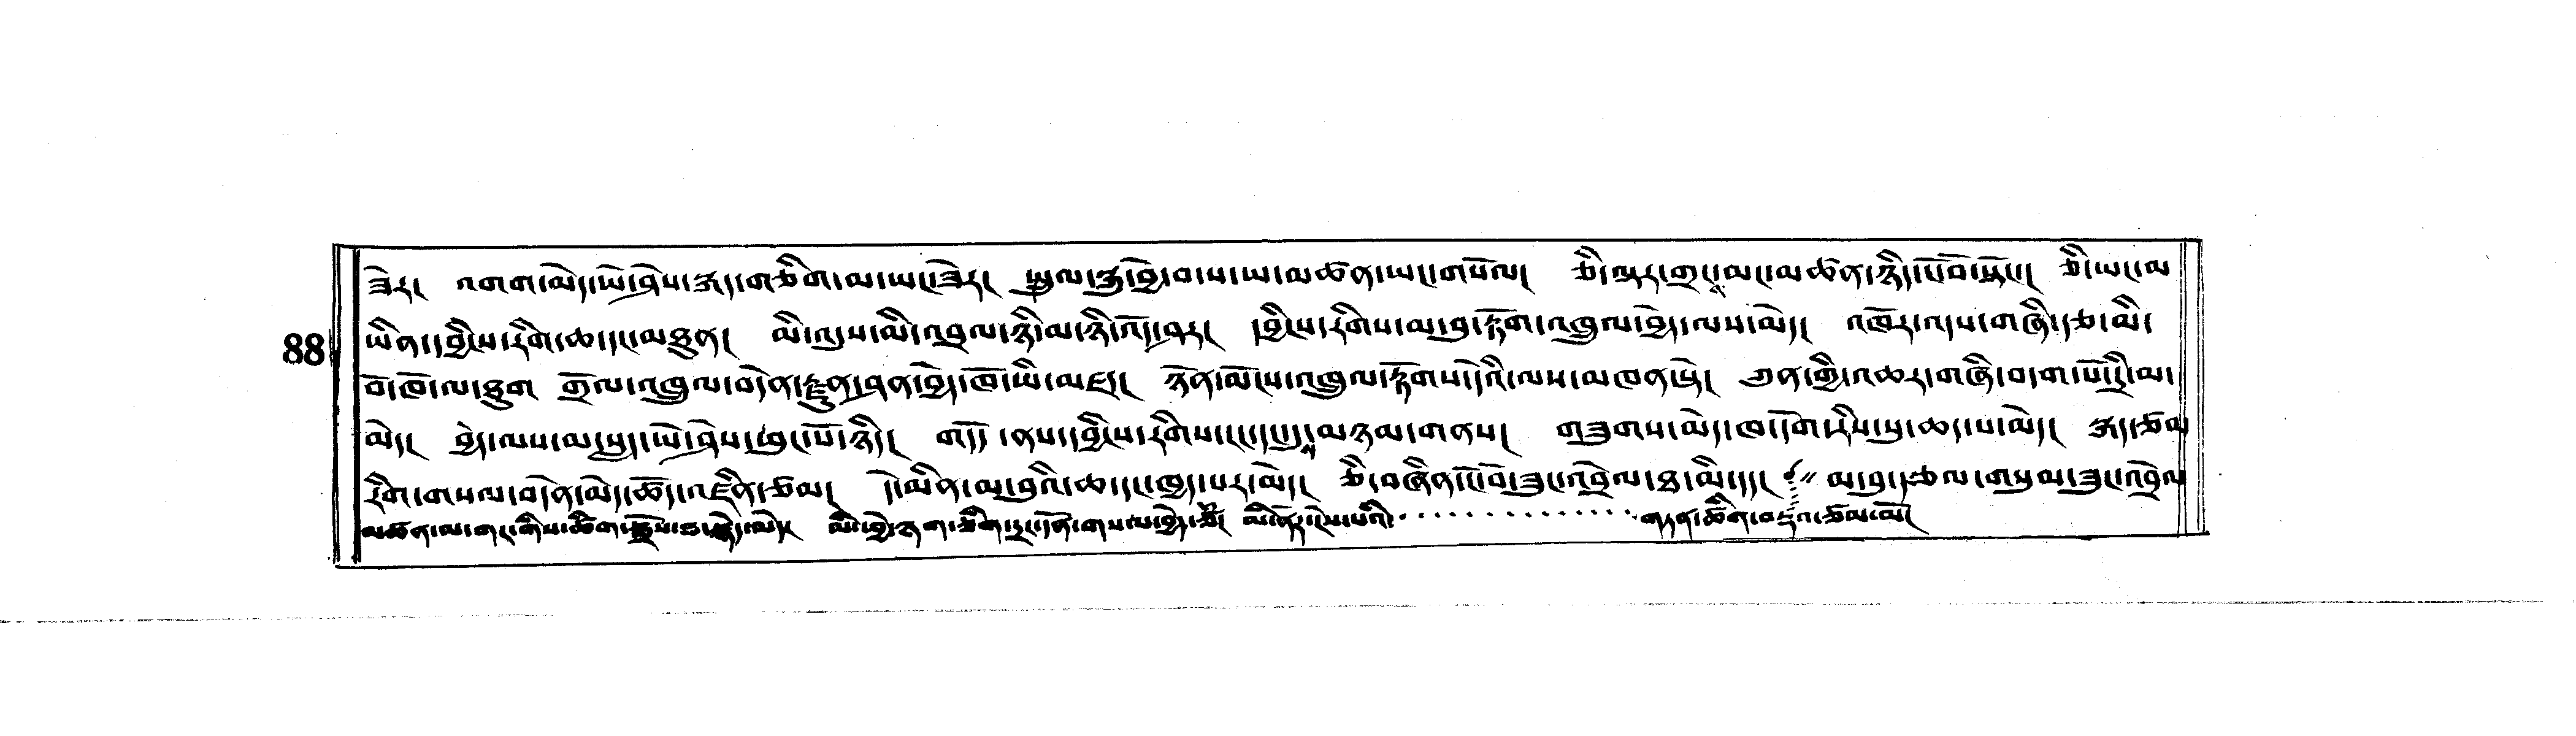ཟེར། འགག་མེད་ཡེ་ཤེས་སྐད་ཅིག་མ་ཡང་ཟེར། སྤྲུལ་སྐུ་བྱེ་བ་ས་ཡ་མཚན་ཡང་གསོལ། ཅི་ལྟར་གྲངས་མང་མཚན་ཉིད་ངོ་བོ་སྟོང་། ཅི་ཡང་མ་
ཡིན་དབྱིངས་རིག་ཆ་དང་མཐུན། མི་འདུས་མི་འབྲལ་ཉི་མ་ཉི་འོད་ཤར། དབྱིངས་རིག་མ་བུ་རྟོག་འཁྲུལ་བྱེད་ལས་མེད། འཁོར་འདས་གཞི་རྩ་མི་
བོ་ཁོ་ལ་ཐུག གྲོལ་འཁྲུལ་བདེན་རྫུན་ཤན་འབྱེད་ཁོ་ཡིས་མཛད། ཉོན་མོངས་འཁྲུལ་རྟོག་དེ་ཡི་ལས་མཁན་སྟེ། ཀུན་གྱི་འཆར་གཞི་བདག་པོ་དྲི་མ་
མེད། བྱེད་ལས་མ་བསླད་ཡེ་ཤེས་ཕུང་པོ་ཉིད། གདོད་ནས་དབྱིངས་རིགས་ངང་དང་དུས་མཉམ་གནས། གཟུགས་མེད་ཁ་དོག་རིས་སུ་ཆད་པ་མེད། སྐད་ཙམ་
རིག་གསལ་བདེན་མེད་ཚོད་འཛིན་ཙམ། དེ་མིན་མ་བུའི་ཆ་དང་ཁྱད་པར་མེད། ཅི་བཞིན་ངོ་བོ་ཟུང་འབྲེལ་ཐ་མི་དད། མཚན་མ་གང་གི་ཚིག་སྒྲོས་ཐ་སྙད་མེད། མི་ཕྱེ་ཉག་ཅིག་དྲང་དོན་གསལ་བྱེད་ཙམ། མི་ནོར་ངེས་པའི་གཏན་ཚིགས་བརྡ་ཙམ་མོ། མ་བུ་རྩལ་གསུམ་ཟུང་འབྲེལ་